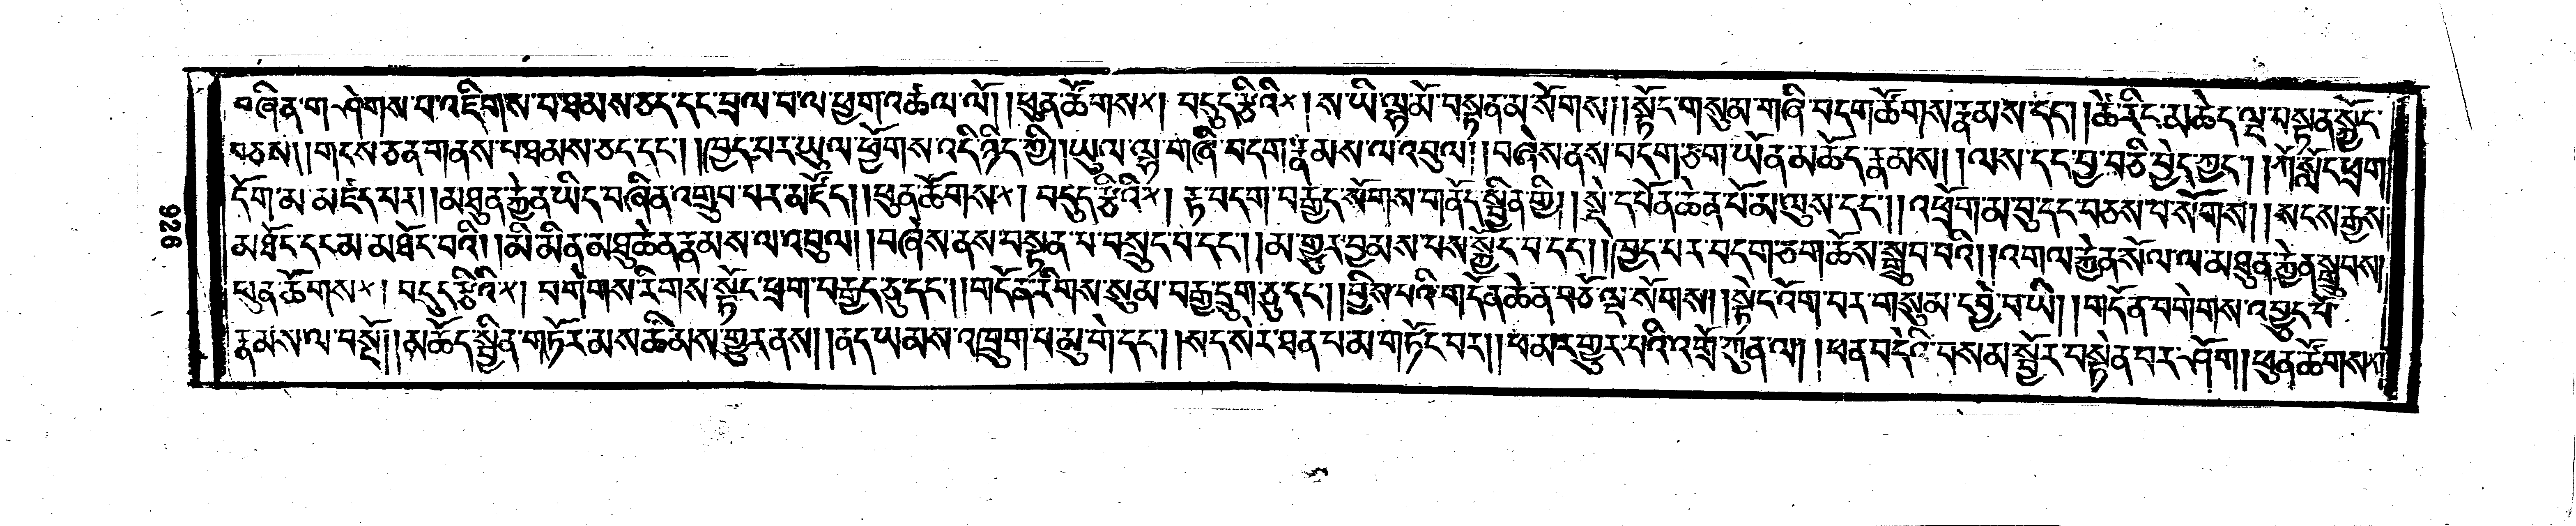བཞིན་གཤེགས་པ་འཇིགས་པ་ཐམས་ཅད་དང་བྲལ་བ་ལ་ཕྱག་འཚལ་ལོ། །ཕུན་ཚོགས་྾། བདུད་རྩིའི་྾། ས་ཡི་ལྷ་མོ་བསྟན་མ་སོགས། །སྟོང་གསུམ་གཞི་བདག་ཚོགས་རྣམས་དང་། །ཚེ་རིང་མཆེད་ལྔ་བསྟན་སྐྱོང་
བཅས། །གངས་ཅན་གནས་པ་ཐམས་ཅད་དང་། །ཁྱད་པར་ཡུལ་ཕྱོགས་འདི་ཉིད་ཀྱི། །ཡུལ་ལྷ་གཞི་བདག་རྣམས་ལ་འབུལ། །བཞེས་ནས་བདག་ཅག་ཡོན་མཆོད་རྣམས། །ལས་དང་བྱ་བ་ཅི་བྱེད་ཀྱང་། །ཀོ་སློང་ཕྲག་
དོག་མ་མཛད་པར། །མཐུན་རྐྱེན་ཡིད་བཞིན་འགྲུབ་པར་མཛོད། །ཕུན་ཚོགས་྾། བདུད་རྩིའི་྾། རྟ་བདག་བརྒྱད་སོགས་གནོད་སྦྱིན་གྱི། །སྡེ་དཔོན་ཆེན་པོ་མ་ལུས་དང་། །འཕྲོག་མ་བུ་དང་བཅས་པ་སོགས། །སངས་རྒྱས་
མཐོང་དང་མ་མཐོང་བའི། །མི་མིན་མཐུ་ཆེན་རྣམས་ལ་འབུལ། །བཞེས་ནས་བསྟན་པ་བསྲུང་བ་དང་། །མ་གྱུར་བྱམས་པས་སྐྱོང་བ་དང་། །ཁྱད་པར་བདག་ཅག་ཆོས་སྒྲུབ་པའི། །འགལ་རྐྱེན་སོལ་ལ་མཐུན་རྐྱེན་སྒྲུབས།
ཕུན་ཚོགས་྾། བདུད་རྩིའི་྾། བགེགས་རིགས་སྟོང་ཕྲག་བརྒྱད་ཅུ་དང་། །གདོན་རིགས་སུམ་བརྒྱ་དྲུག་ཅུ་དང་། །བྱིས་པའི་གདོན་ཆེན་ཤོག །ཕུན་ཚོགས་འབྱུང་པོ་
རྣམས་ལ་བསྔོ། །མཆོད་སྦྱིན་གཏོར་མས་ཚིམས་གྱུར་ནས། །ནད་ཡམས་འཁྲུག་པ་མུ་གེ་དང་། །སད་སེར་ཐན་པ་མ་གཏོང་བར། །ཕ་མར་གྱུར་པའི་འགྲོ་ཀུན་ལ། །ཕན་བདེའི་བསམ་སྦྱོར་བསྟེན་པར་ཤོག །ཕུན་ཚོགས་